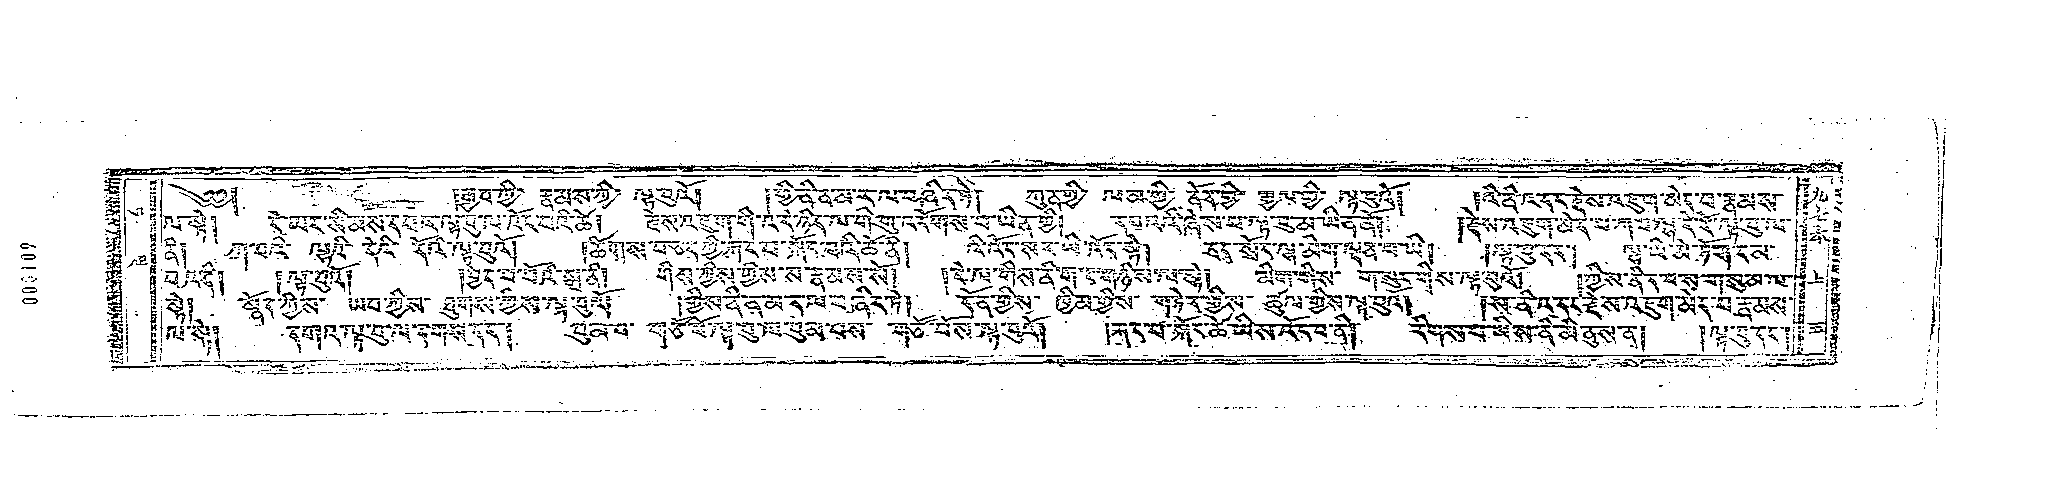༄༅། །རྒྱབ་ཀྱི་རྣམས་ཀྱི་ལྟ་བུའོ། གྱི་ནི་ན་མ་ར་ལ་བཞིར་ཏེ། །ཀུན་གྱི་ལམ་གྱི་།ནོར་གྱི་རྒྱལ་གྱི་ལྟ་བུའོ། །འི་ནི་འ་དང་རྗེས་འཇུག་མེད་བ་རྣམས་
ལ་སྟེ། དེ་ཡང་སེམས་དཔའ་ལྟ་བུ་ལ་འོང་བའི་ཚེ། རྗེས་འཇུག་གི་འ་དེ་ཉིད་ལ་གི་གུ་འདོགས་བ་ཡིན་གྱི། དཔའ་འི་ཞེས་པ་ལྟ་བུ་མ་ཡིན་ནོ། རྗེས་འཇུག་མེད་པ་ཀ་བ་ལྷ་དེ་རོ་ལྟ་བུ་ལ་
ནི། ཀ་བའི་ལྟའི་དེའི་རོའི་ལྟ་བུའོ། ཚིགས་བཅད་ཀྱི་རྐང་པ་སྒོང་བའི་ཚེ་ནི། འི་འོངས་ར་ཡི་འོང་སྟེ། དྲང་སྲོང་ལྷ་མིག་ལྡན་པ་ཡི། ལྟ་བུ་དང་། ལྷ་ཡི་མེ་ཏོག་དམ་
པ་འདི། ལྟ་བུའོ། །བྱེད་པ་པོའི་སྒྲ་ནི། གིས་ཀྱིས་གྱིས་ས་རྣམས་སོ། །དེ་ལ་གིས་ནི་ག་ང་གཉིས་ལ་སྟེ། མིག་གིས་གསུང་གིས་ལྟ་བུའོ། ཀྱིས་ནི་ང་བ་ས་གསུམ་ལ་
སྟེ༑ སྣོད་ཀྱིས་ཡབ་ཀྱིས་ཐུགས་ཀྱིས་ལྟ་བུའོ། གྱིས་ནི་ན་མ་ར་ལ་བཞིར་ཏེ། དོན་གྱིས་ཁྱིམ་གྱིས་གཏེར་གྱིས་ཚུལ་གྱིས་ལྟ་བུའོ། །ས་ནི་འ་དང་རྗེས་འཇུག་མེད་པ་རྣམས་
པ་སྟེ། དགའ་ལྟ་བུ་ལ་དགས་དང་། བུམ་བ་གཙོ་བོ་ལྟ་བུ་ལ་བུམ་པས་གཙོ་བོས་ལྟ་བུའོ། །རྐང་པ་སྐོད་ཆེ་ཡིས་འོང་བ་ནི། རིགས་པ་ཡིས་ནི་མི་ནུས་ན། ལྟ་བུ་དང་།